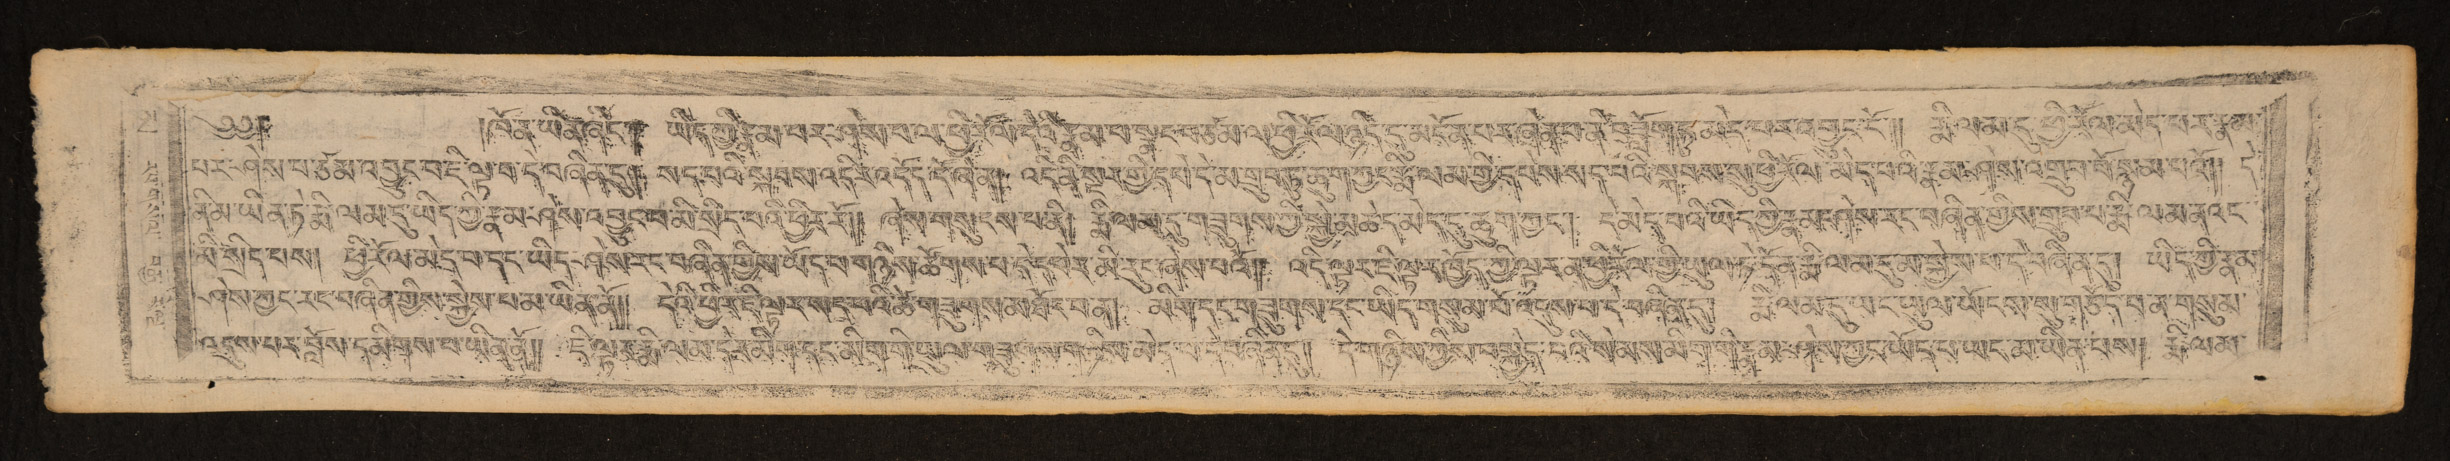༄༅། །ཁོ་ན་ཡིན་ཞིང་། ཡིད་ཀྱི་རྣམ་པར་ཤེས་པ་ལ་ཕྱི་རོལ་དེའི་རྣམ་པ་སྣང་བ་ཙམ་ལ་ཕྱི་རོལ་ཉིད་དུ་མངོན་པར་ཞེན་པ་ནི་བཟློག་ཏུ་མེད་པར་འབྱུང་ངོ།། རྨི་ལམ་དུ་ཕྱི་རོལ་མེད་པར་རྣམ་
པར་ཤེས་པ་ཙམ་འབྱུང་བ་ཇི་ལྟ་བ་དེ་བཞིན་དུ། སད་པའི་སྐབས་འདིར་འདོད་དོ་ཞེ་ན། འདི་ནི་སྔར་གྱི་དཔེ་དེ་མ་གྲུབ་ཏུ་ཆུག་ཀྱང་རྨི་ལམ་གྱི་དཔེས་སད་པའི་སྐབས་སུ་ཕྱི་རོལ་མེད་པའི་རྣམ་ཤེས་འགྲུབ་བོ་སྙམ་པའོ།། དེ་
ནི་མ་ཡིན་ཏེ་རྨི་ལམ་དུ་ཡིད་ཀྱི་རྣམ་ཤེས་འབྱུང་བ་མི་སྲིད་པའི་ཕྱིར་རོ།། ཞེས་གསུངས་པ་ནི། རྨི་ལམ་དུ་གཟུགས་ཀྱི་སྐྱེ་མཆེད་མེད་དུ་ཆུག་ཀྱང་། དེ་མེད་པའི་ཡིད་ཀྱི་རྣམ་ཤེས་རང་བཞིན་གྱིས་གྲུབ་པ་རྨི་ལམ་ནའང་
མི་སྲིད་པས། ཕྱི་རོལ་མེད་པ་དང་ཡིད་ཤེས་རང་བཞིན་གྱིས་ཡོད་པ་གཉིས་ཚོགས་པ་དེ་དཔེར་མི་རུང་ཞེས་པའོ།། འདི་ལྟར་ཇི་ལྟར་ཁྱོད་ཀྱི་ལྟར་ན་ཕྱི་རོལ་གྱི་ཡུལ་དེ་དོན་རྨི་ལམ་དུ་མ་སྐྱེས་པ་དེ་བཞིན་དུ། ཡིད་ཀྱི་རྣམ་
ཤེས་ཀྱང་རང་བཞིན་གྱིས་སྐྱེས་པ་མ་ཡིན་ནོ།། དེའི་ཕྱིར་ཇི་ལྟར་སད་པའི་ཚེ་གཟུགས་མཐོང་བ་ན། མིག་དང་གཟུགས་དང་ཡིད་གསུམ་པོ་འདུས་པ་དེ་བཞིན་དུ། རྨི་ལམ་དུ་ཡང་ཡུལ་ཡོངས་སུ་གཅོད་པ་ན་གསུམ་
འདུས་པར་བློས་དམིགས་པ་ཡིན་ནོ།། ཇི་ལྟར་རྨི་ལམ་དེར་མིག་དང་མིག་གི་ཡུལ་གཟུགས་གཉིས་མེད་པ་དེ་བཞིན་དུ། དེ་གཉིས་ཀྱིས་བསྐྱེད་པའི་སེམས་མིག་གི་རྣམ་ཤེས་ཀྱང་ཡོད་པ་ཡང་མ་ཡིན་པས། རྨི་ལམ་